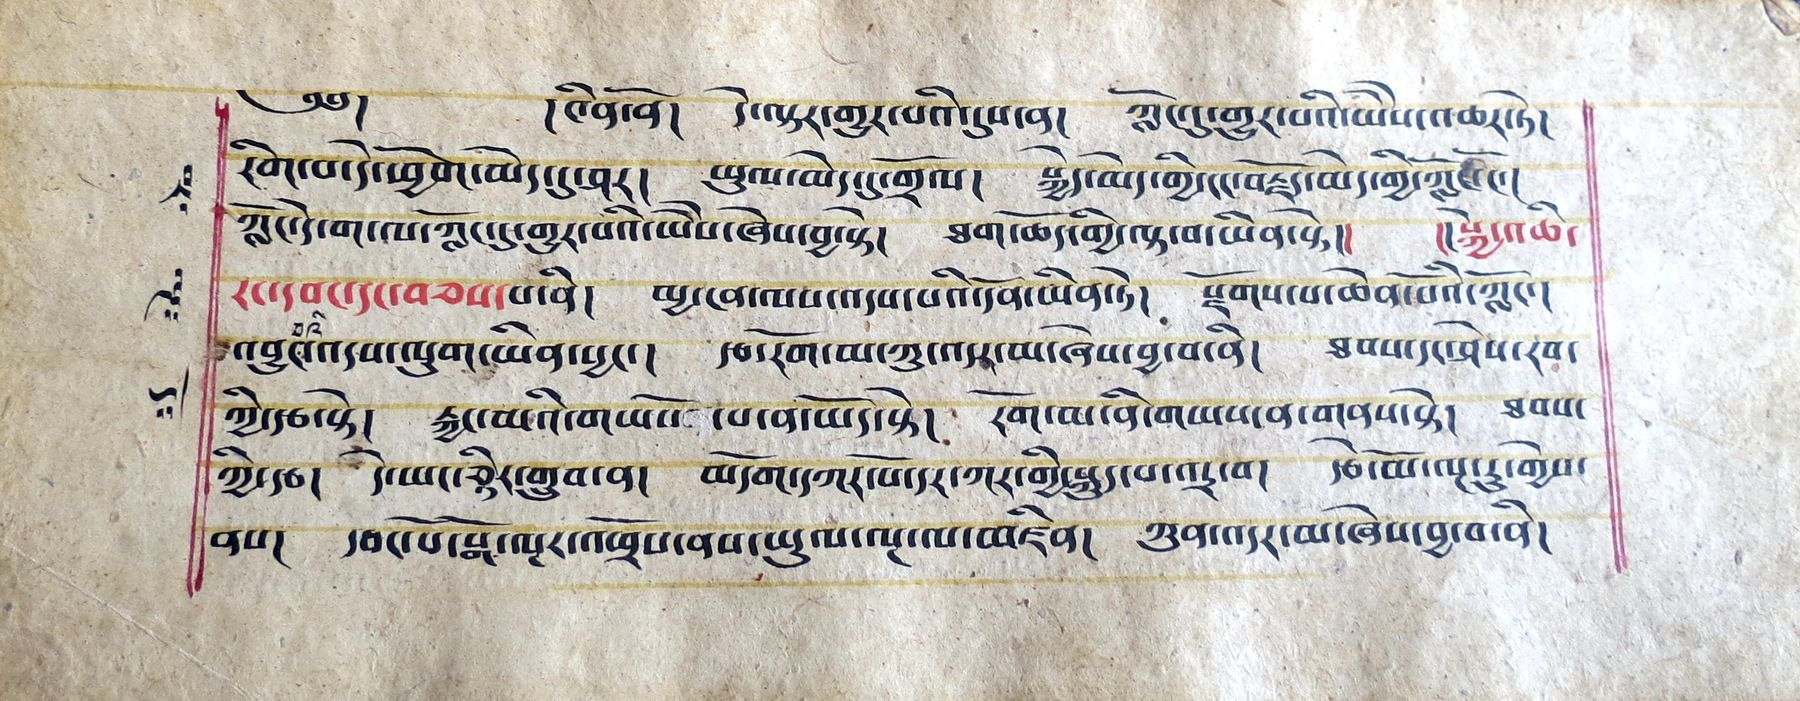བཞིན་ནོ། དེ་ལྟར་གྱུར་པའི་དུས་ན། ཀློང་དུ་གྱུར་པའི་ཡེ་ཤེས་འཆར་ཏེ། 
རིག་པ་དེ་ཕྱོགས་མེད་དུ་ཤར། ཡུལ་མེད་དུ་གྲོལ། སྐྱེ་མེད་ཀྱི་ངང་། བརྗོད་མེད་ཀྱི་ཀློང་ངོ་། 
ཀློང་དེ་ག་ལ་ཀློང་དུ་གྱུར་པའི་ཡེ་ཤེས་ཞེས་བྱ་སྟེ། ཐག་ཆོད་ཀྱི་ལྟ་བ་ཡིན་ཏེ། སྐྱེ་འཆི་
རང་དབང་དང་བཅས་པ་ནི། མྱ་ངན་ལས་འདས་པའི་དོན་ཡིན་ཏེ། རྫོགས་པ་ཆེན་པོའི་ཀློང་། 
འབྱུང་བའི་འདས་ལུགས་ཡིན་གསུངས། རྩ་རོག་༼རོ༽མ་ཀུན་འདར་མ་ཞེས་བྱ་བ་ནི། ཐབས་དང་ཤེས་རབ་
ཀྱི་རྩ་སྟེ། རྐྱང་མའི་གཡས་པ་ན་ཡོད་དེ། རོག་མ་ནི་གཡས་ན་གནས་ཏེ། ཐབས་
ཀྱི་རྩ། དེ་ཡང་ཅི་ལྟར་གྲུབ་ན། མདོག་དཀར་པོ་དར་དཀར་གྱི་སྐུད་པ་འདྲ་བ། རྩེ་མོ་ལྔ་རུ་གྱེས་
ནས། དབང་པོ་སྒོ་ལྔར་འཕྲོས་ནས་ཡུལ་ལྔ་ལ་འཛིན། ཀུན་འདར་མ་ཞེས་བྱ་བ་ནི་